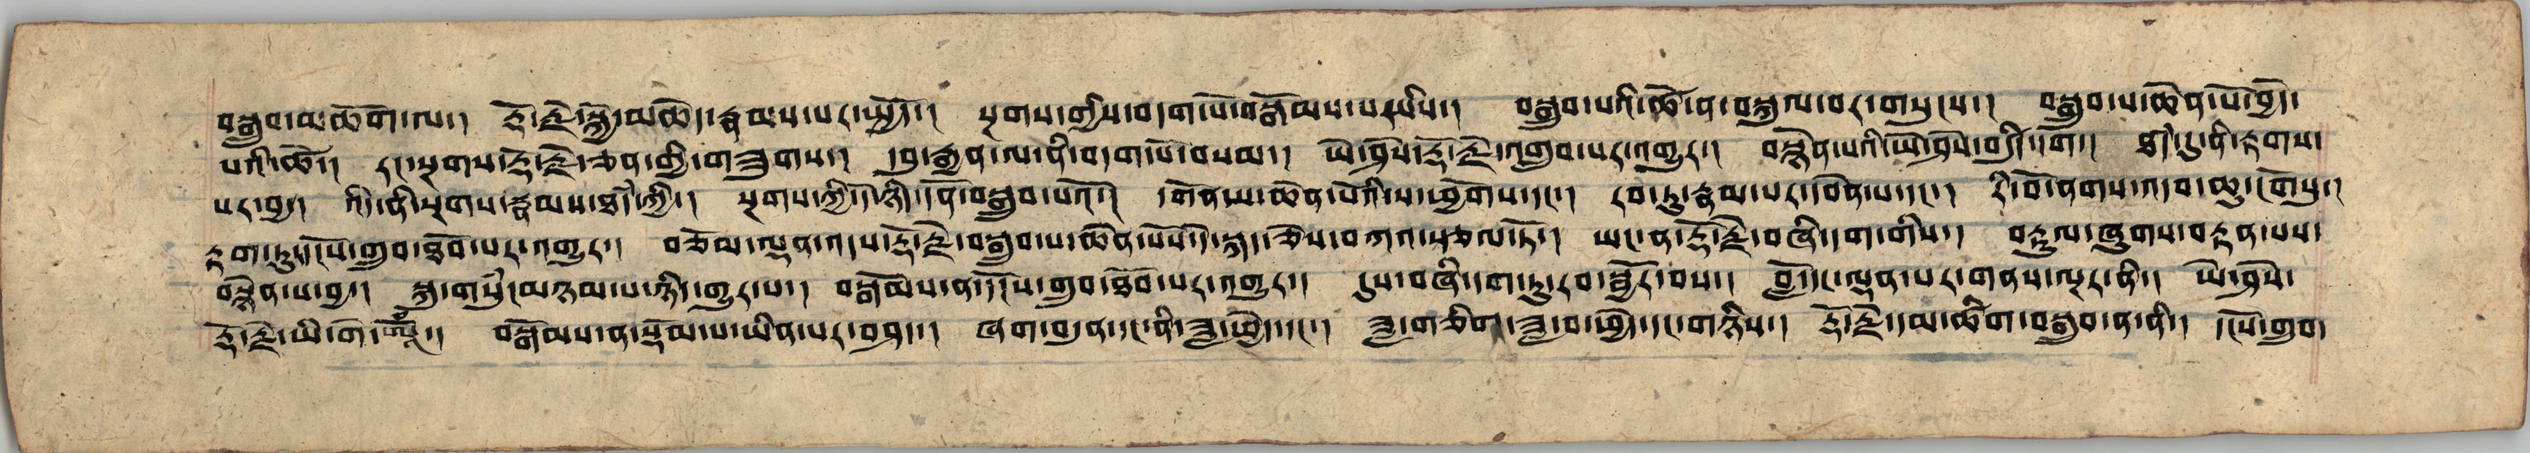བསྒྲུབ་མཆོག་ལ་། རྡོ་རྗེ་སྐྱེ་མཆེད་རྣམས་པར་སྤྱོད་། སྔགས་གྱིས་བདག་པོ་བསྒོམས་པ་ཡིས་། བསྒྲུབ་པའི་ཚེ་ན་བསྐུལ་བར་གསུངས་། བསྒྲུབ་པ་ཆེན་པོ་བྱེད་
པའི་ཚེ་། རང་སྔགས་རྡོ་རྗེ་ཅན་གྱི་གཟུགས་། དབུ་རྒྱན་ལ་ནི་བདག་པོ་བསམ་། ཡེ་ཤེས་རྡོ་རྗེ་འགྲུབ་པར་འགྱུར་། བསྙེན་པའི་ཡེ་ཤེས་བདུདརྩི་དགོ་། ཐཾད་དུ་ནི་རྟགས་
པར་བྱ་། འདི་ནི་སྔགས་རྣམས་ཐཾད་ཀྱི་། སྔགས་ཀྱི་དེ་ཉིད་དོན་བསྒྲུབ་པའོ་། དགོན་པ་ཆེན་པོའི་ས་ཕྱྱོགས་དང་། རབ་ཏུ་རྣམ་པར་དབེན་པ་དང་། རི་བོ་ནགས་འདབ་ཆུ་ངོགསུ་།
རྟག་ཏུ་དངོས་གྲུབ་ཐོབ་པར་འགྱུར་། བཅོམ་ལྡན་འདས་རྡོ་རྗེ་བསྒྲུབ་པ་ཆེན་པོས་དེ་སྐད་ཅེས་བཀའ་སྩལ་ཏོ་། ཡང་ན་རྡོ་རྗེ་བཞི་དག་གིས་། བརྟུལ་ཞུགས་བརྟན་པས་
བསྙེན་པ་བྱ་། སྐུ་གསུཾ་མཉམ་པ་ཉིད་གྱུར་པ་། བསྒོམས་ན་དངོས་གྲུབ་ཐོབ་པར་འགྱུར་། དུས་བཞི་དག་ཏུ་རབ་སྦྱོར་བས་། བློ་དང་ལྡན་པར་གནས་ལྔར་ནི་། ཡེ་ཤེས་
རྡོ་རྗེ་ཡི་གེ་ཨཱོཾ་། བསྒོམས་ན་སྡོམ་པ་ཡིན་པར་བཤད་། ཞག་བདུན་དང་ནི་ཟླ་ཕྱེད་དང་། ཟླ་གཅིག་ཟླ་བ་ཕྱེད་དང་གཉིས་། རྡོ་རྗེ་དམ་ཚིག་བསྒྲུབ་ན་ནི་། དངོས་གྲུབ་